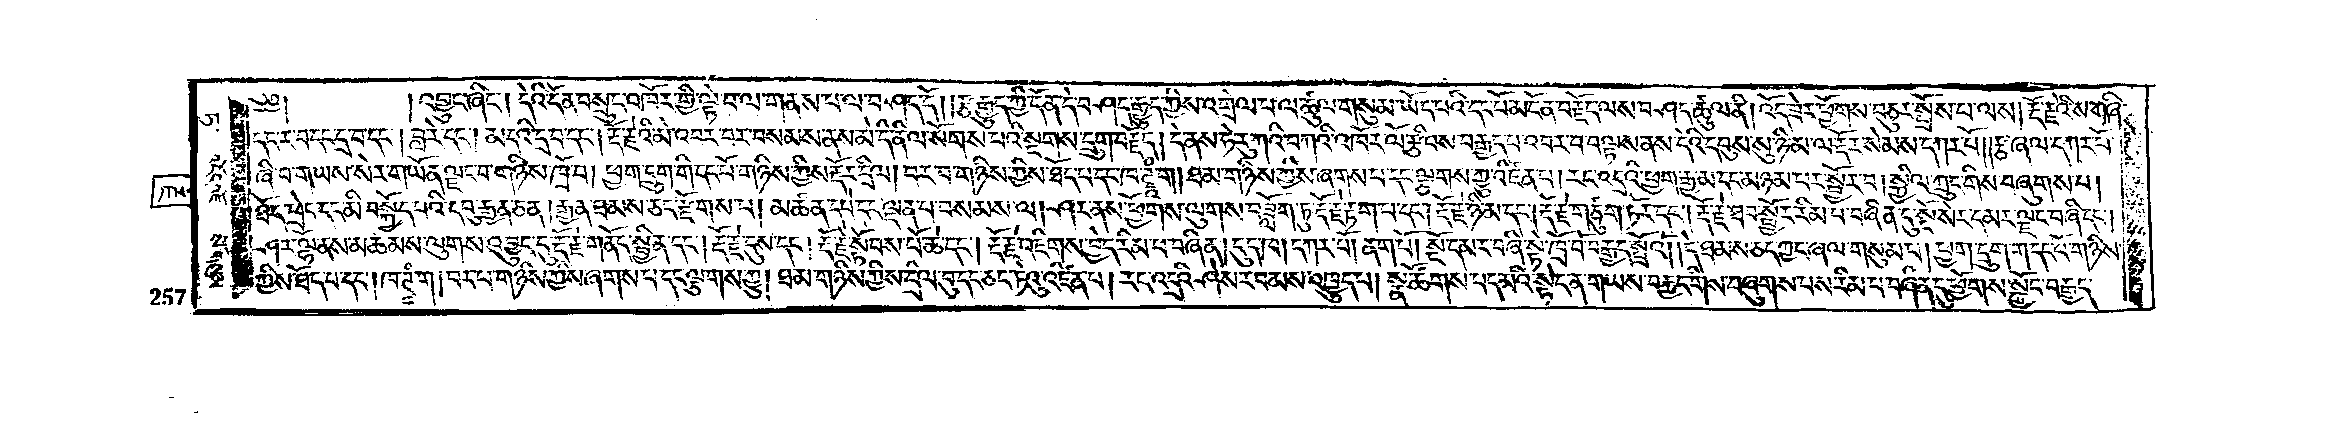༄༅། །འབྱུང་ཞིང་། དེའི་དོན་བསྲུང་འཁོར་གྱི་ལྟེ་བ་ལ་གནས་པ་ལ་བཤད་དོ། །རྩ་རྒྱུད་ཀྱི་དོན་དེ་བཤད་རྒྱུད་ཀྱིས་འགྲེལ་པ་ལ་ཚུལ་གསུམ་ཡོད་པའི་དང་པོ་མངོན་བརྗོད་ལས་བཤད་ཚུལ་ནི། འོད་ཟེར་ཕྱོགས་བཅུར་སྤྲོས་པ་ལས། རྡོ་རྗེའི་ས་གཞི་
དང་ར་བ་དང་དྲ་བ་དང་། བླ་རེ་དང་། མདའི་དྲ་བ་དང་། རྡོ་རྗེའི་མེ་འབར་བར་བསམས་ནས་མེ་དི་ནི་ལ་སོགས་པའི་སྔགས་དྲུག་བརྗོད། དེ་ནས་ཧེ་རུ་ཀའི་བཀའི་འཁོར་ལོ་རྩིབས་བརྒྱད་པ་འབར་བ་བལྟས་ནས་དེའི་དབུས་སུ་ཉི་མ་ལ་རྡོར་སེམས་དཀར་པོ། །རྩ་ཞལ་དཀར་པོ་
ཞི་བ་གཡས་སེར་གཡོན་ལྗང་བ་གཉིས་ཁྲོ་བ། ཕྱག་དྲུག་གི་དང་པོ་གཉིས་ཀྱིས་རྡོར་དྲིལ། བར་བ་གཉིས་ཀྱིས་ཐོད་པ་དང་ཁ་ཊྭཱཾ་ག །ཐ་མ་གཉིས་ཀྱིས་ཞགས་པ་དང་ལྕགས་ཀྱུ་འཛིན་པ། རང་འདྲའི་ཕྱག་རྒྱ་མ་དང་མཉམ་པར་སྦྱོར་བ། སྐྱིལ་ཀྲུང་གིས་བཞུགས་པ།
ཐོད་ཕྲེང་དང་མི་བསྐྱོད་པའི་དབུ་རྒྱན་ཅན། རྒྱན་ཐམས་ཅད་རྫོགས་པ། མཚན་དཔེ་དང་ལྡན་པ་བསམས་ལ། ཤར་ནས་ཕྱོགས་ལུགས་བཟློག་ཏུ་རྡོ་རྗེ་རྟག་པ་དང་། རྡོ་རྗེ་ཉི་མ་དང་། རྡོ་རྗེ་གཙུག་ཏོར་དང་། རྡོ་རྗེ་ཐབ་སྦྱོར་རིམ་པ་བཞིན་དུ་སྔོ་སེར་དམར་ལྡང་བཞི་དང་།
ཤར་ལྷོ་ནས་མཚམས་ལུགས་འབྱུང་དུ་རྡོ་རྗེ་ངོད་སྦྱིན་དང་། རྡོ་རྗེ་དུས་དང་། རྡོ་རྗེ་སྟོབས་པོ་ཆེ་དང་། རྡོ་རྗེ་འཇིགས་བྱེད་རིམ་པ་བཞིན། དུད་ཁ། དཀར་པོ། ནག་པོ། སྔོ་དམར་བཞི་སྟེ་ཁྲོ་བོ་བརྒྱད་སྤྲོའོ། །དེ་ཐམས་ཅད་ཀྱང་ཞལ་གསུམ་པ། ཕྱག་དྲུག་གི་དང་པོ་གཉིས་
ཀྱིས་ཐོད་པ་དང་། ཁ་ཊྭཱཾ་ག །བར་པ་གཉིས་ཀྱིས་ཞགས་པ་དང་ལྕགས་ཀྱུ། ཐ་མ་གཉིས་ཀྱིས་དྲིལ་བུ་དང་ཅང་ཏེའི་འཛིན་པ། རང་འདྲའི་ཤེས་རབ་མས་འཁྱུད་པ། སྣ་ཚོགས་པད་མའི་སྟེང་ན་གཡས་བརྐྱང་གིས་བཞུགས་པས་རིམ་པ་བཞིན་དུ་ཕྱོགས་སྐྱོང་བརྒྱད་